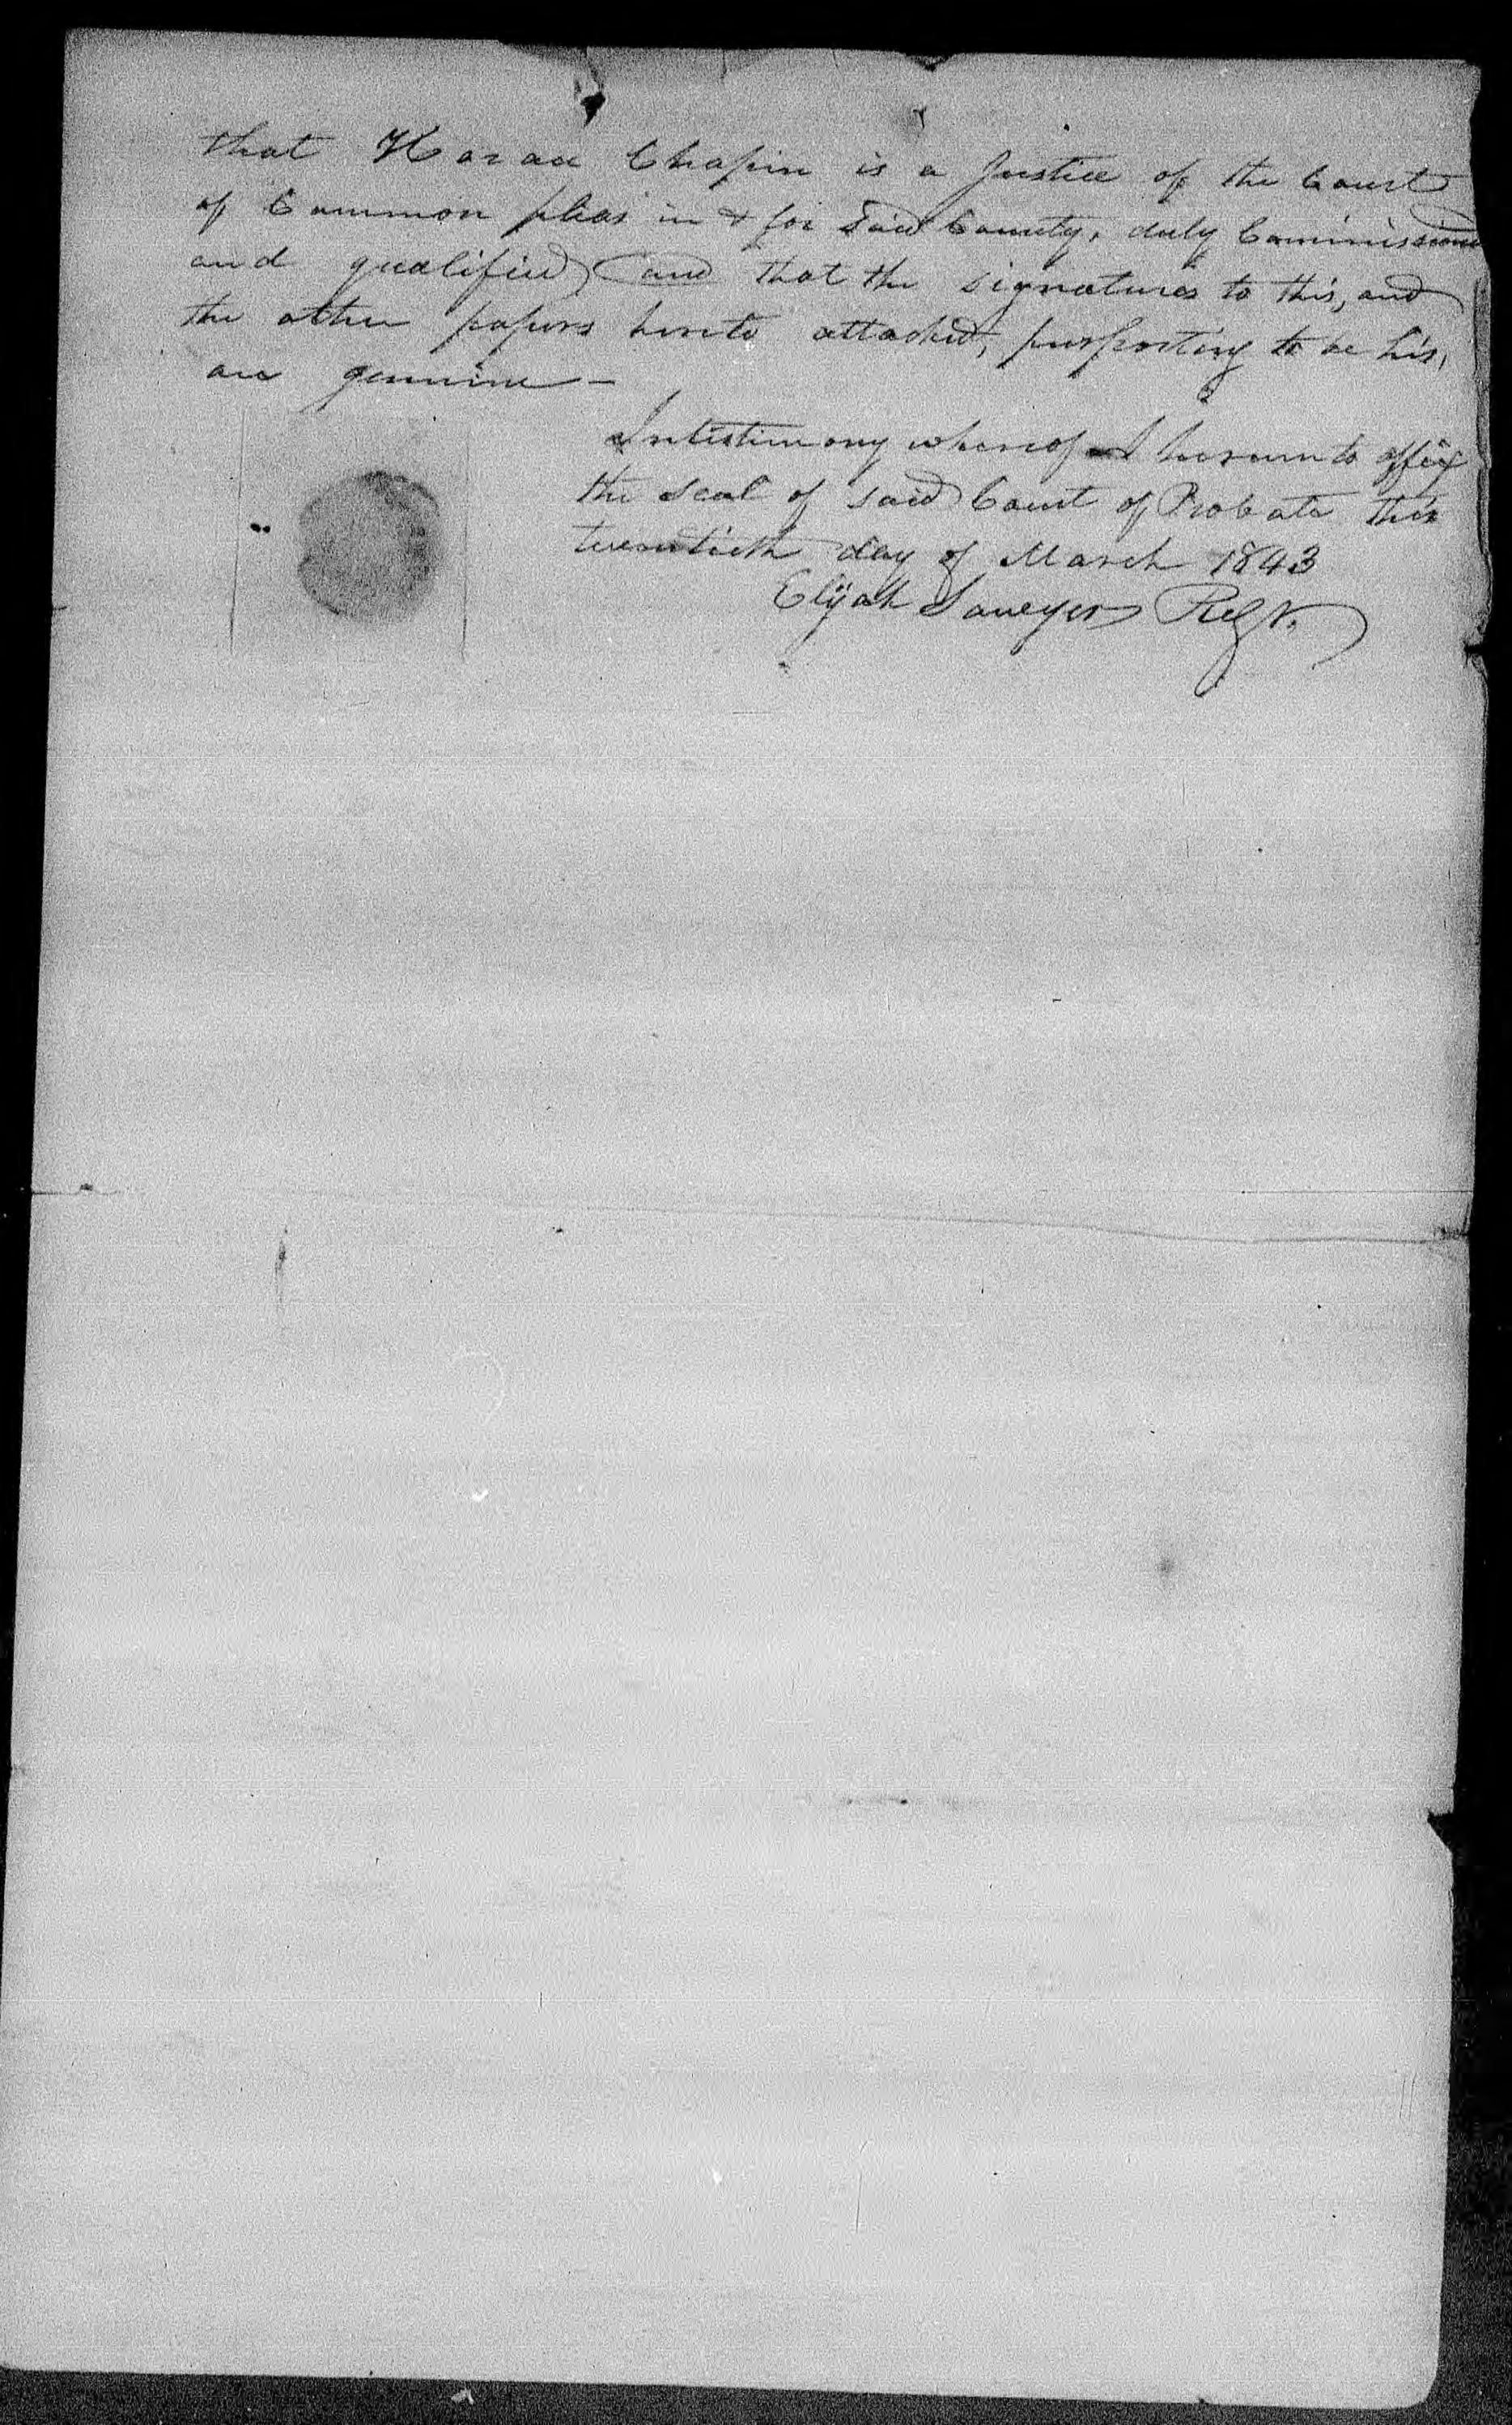that Horan Chapin is a Justice of the Court
of Common Pleas in & for said County, duly Commissioned
and qualified and that the signatures to this, and
the other papers hereto attached, purporting to be his,
are genuine -

[a square of paper with a smudged ink stamp is attached]
In testimony whereof I [illegible] to affix
the seal of said Court of Probate this
twentieth day of March 1843
Elijah Sawyer [illegible]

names: Elijah Sawyer, Horan Chapin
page: 7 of 24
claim: rejected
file: R. 1835, Elisha Chamberlain, Mass.